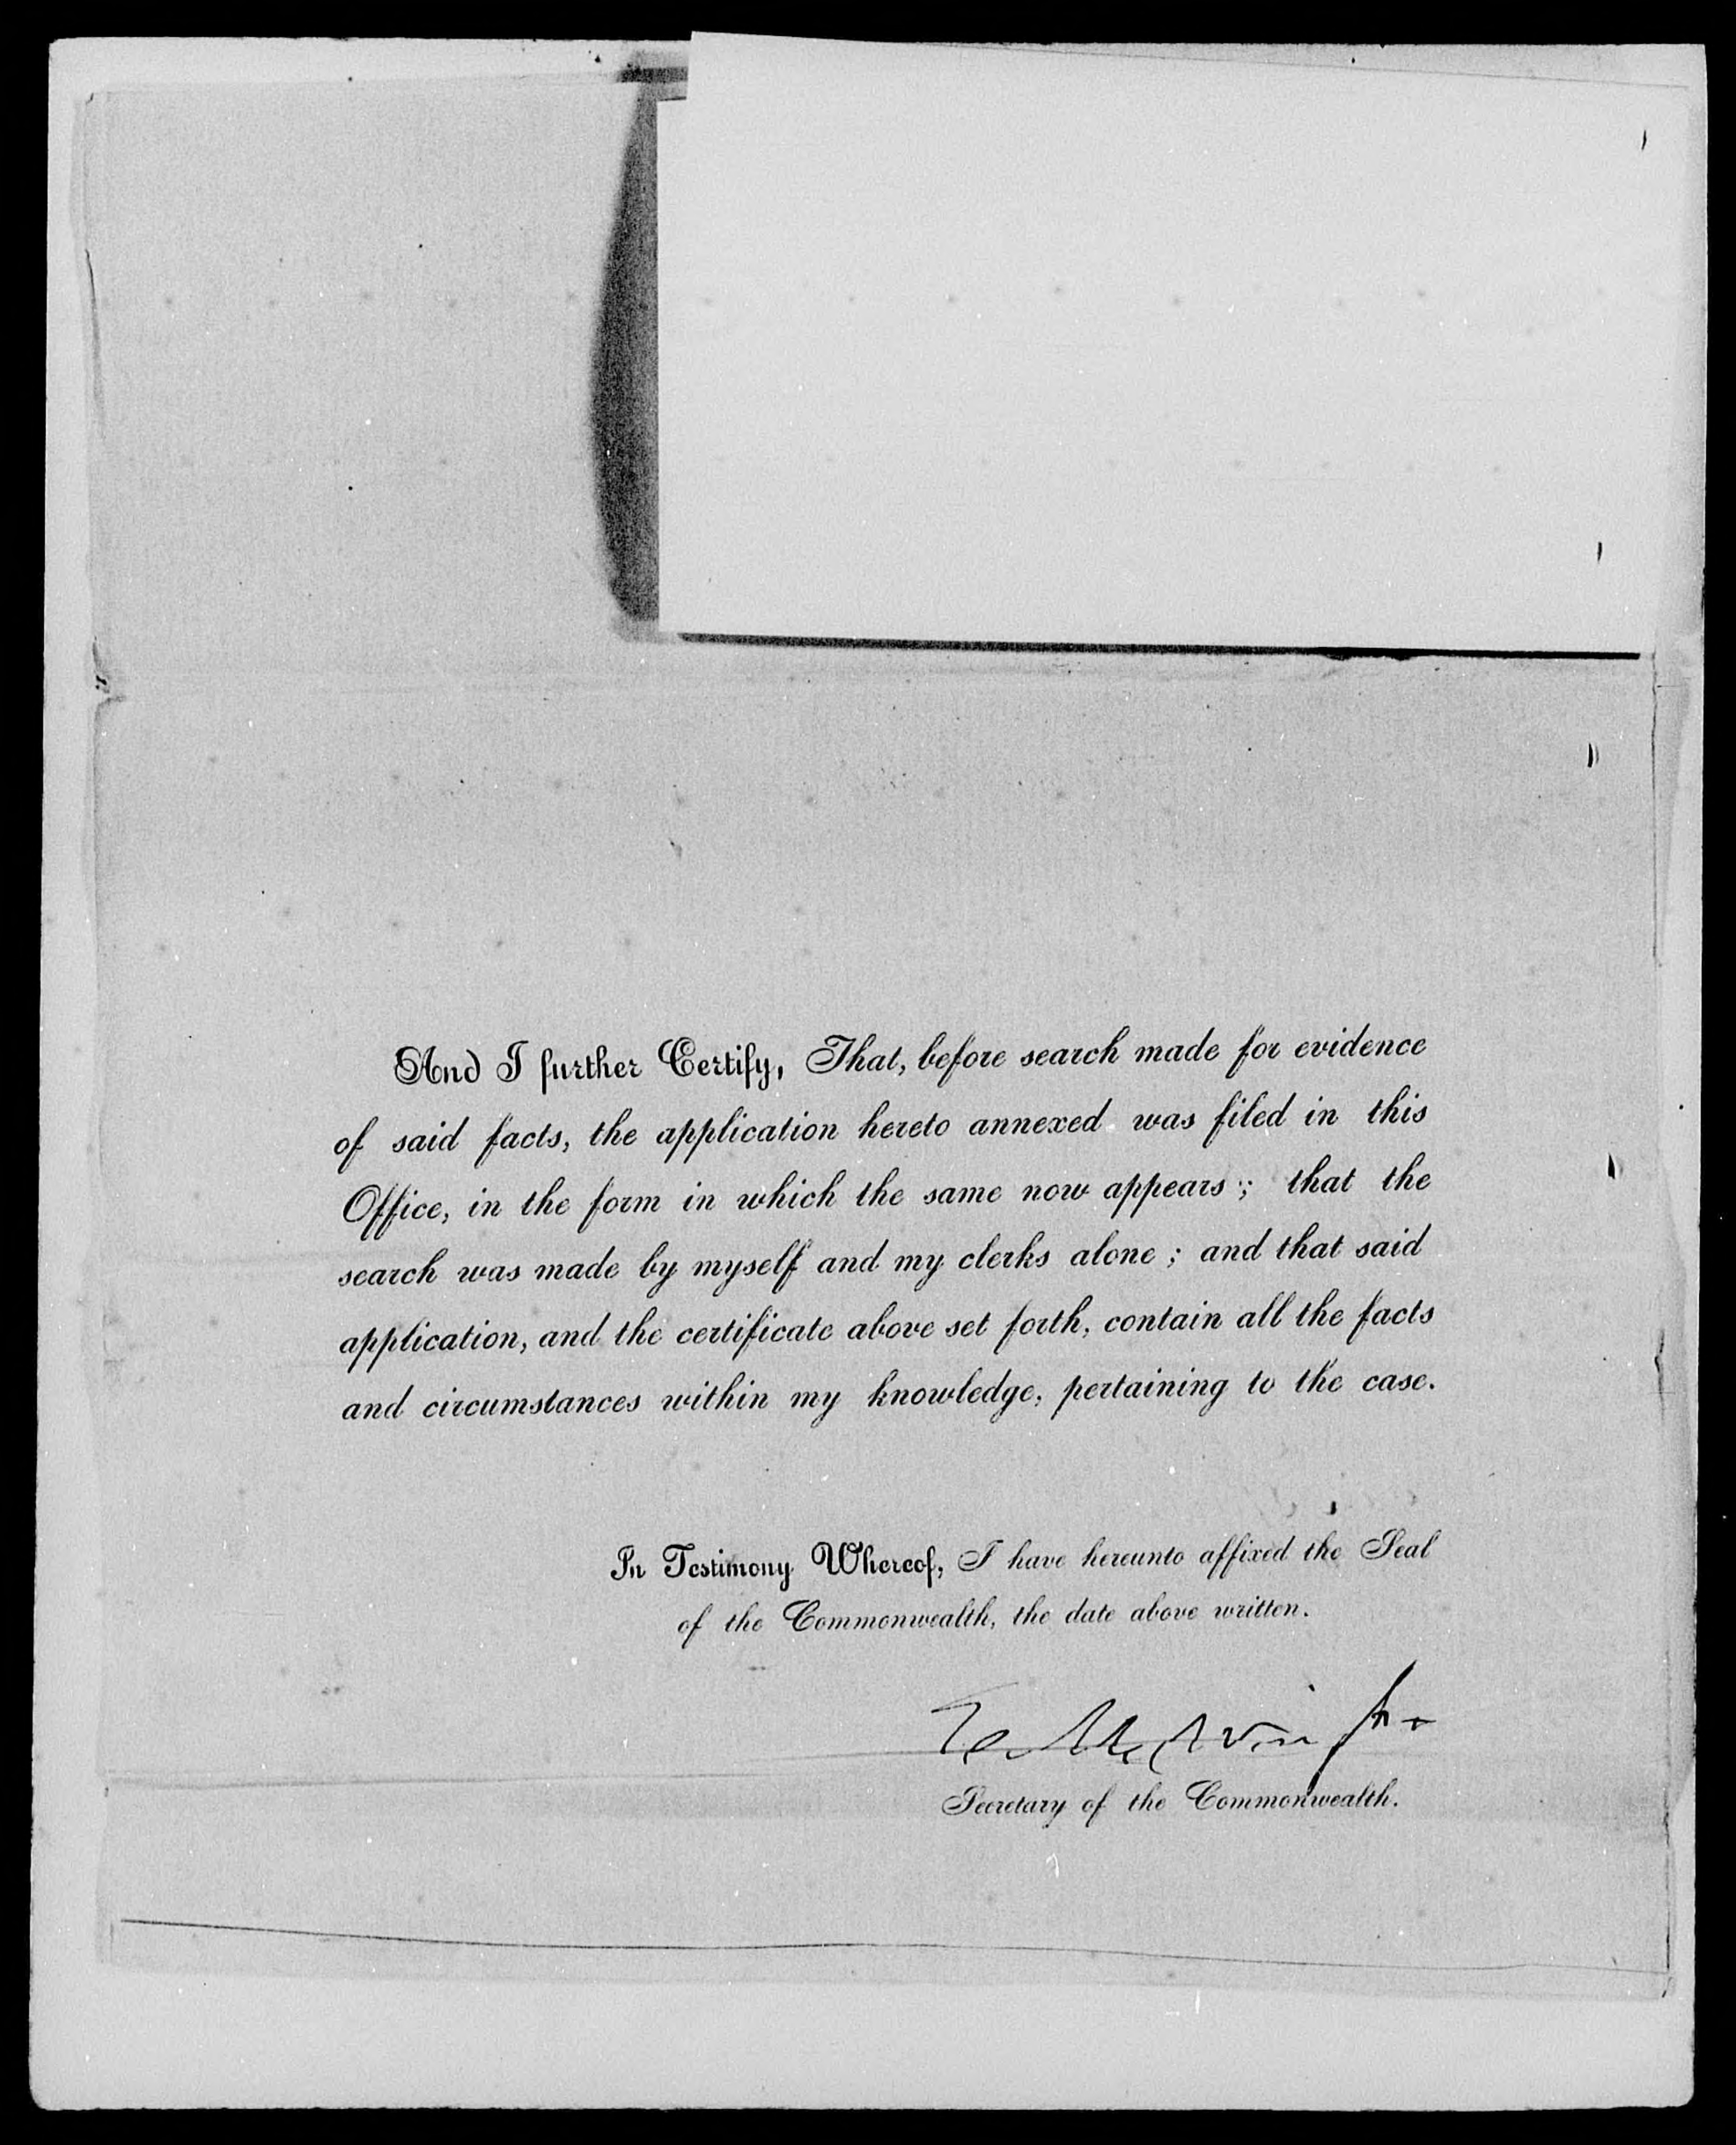And I further Certify, That, before search made for evidence of said facts, the application hereto annexed was filed in this Office, in the form in which the same now appears; that the search was made by myself and my clerks alone; and that said application, and the certificate above set forth, contain all the facts and circumstances within my knowledge, pertaining to the case.

In Testimony Whereof, I have hereunto affixed the Seal of the Commonwealth, the date above written.
 EM Wright (signature)
Secretary of the Commonwealth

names: E M Wright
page: 56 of 59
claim: widow's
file: W. 23017, Richard Clair Everett, Mass.